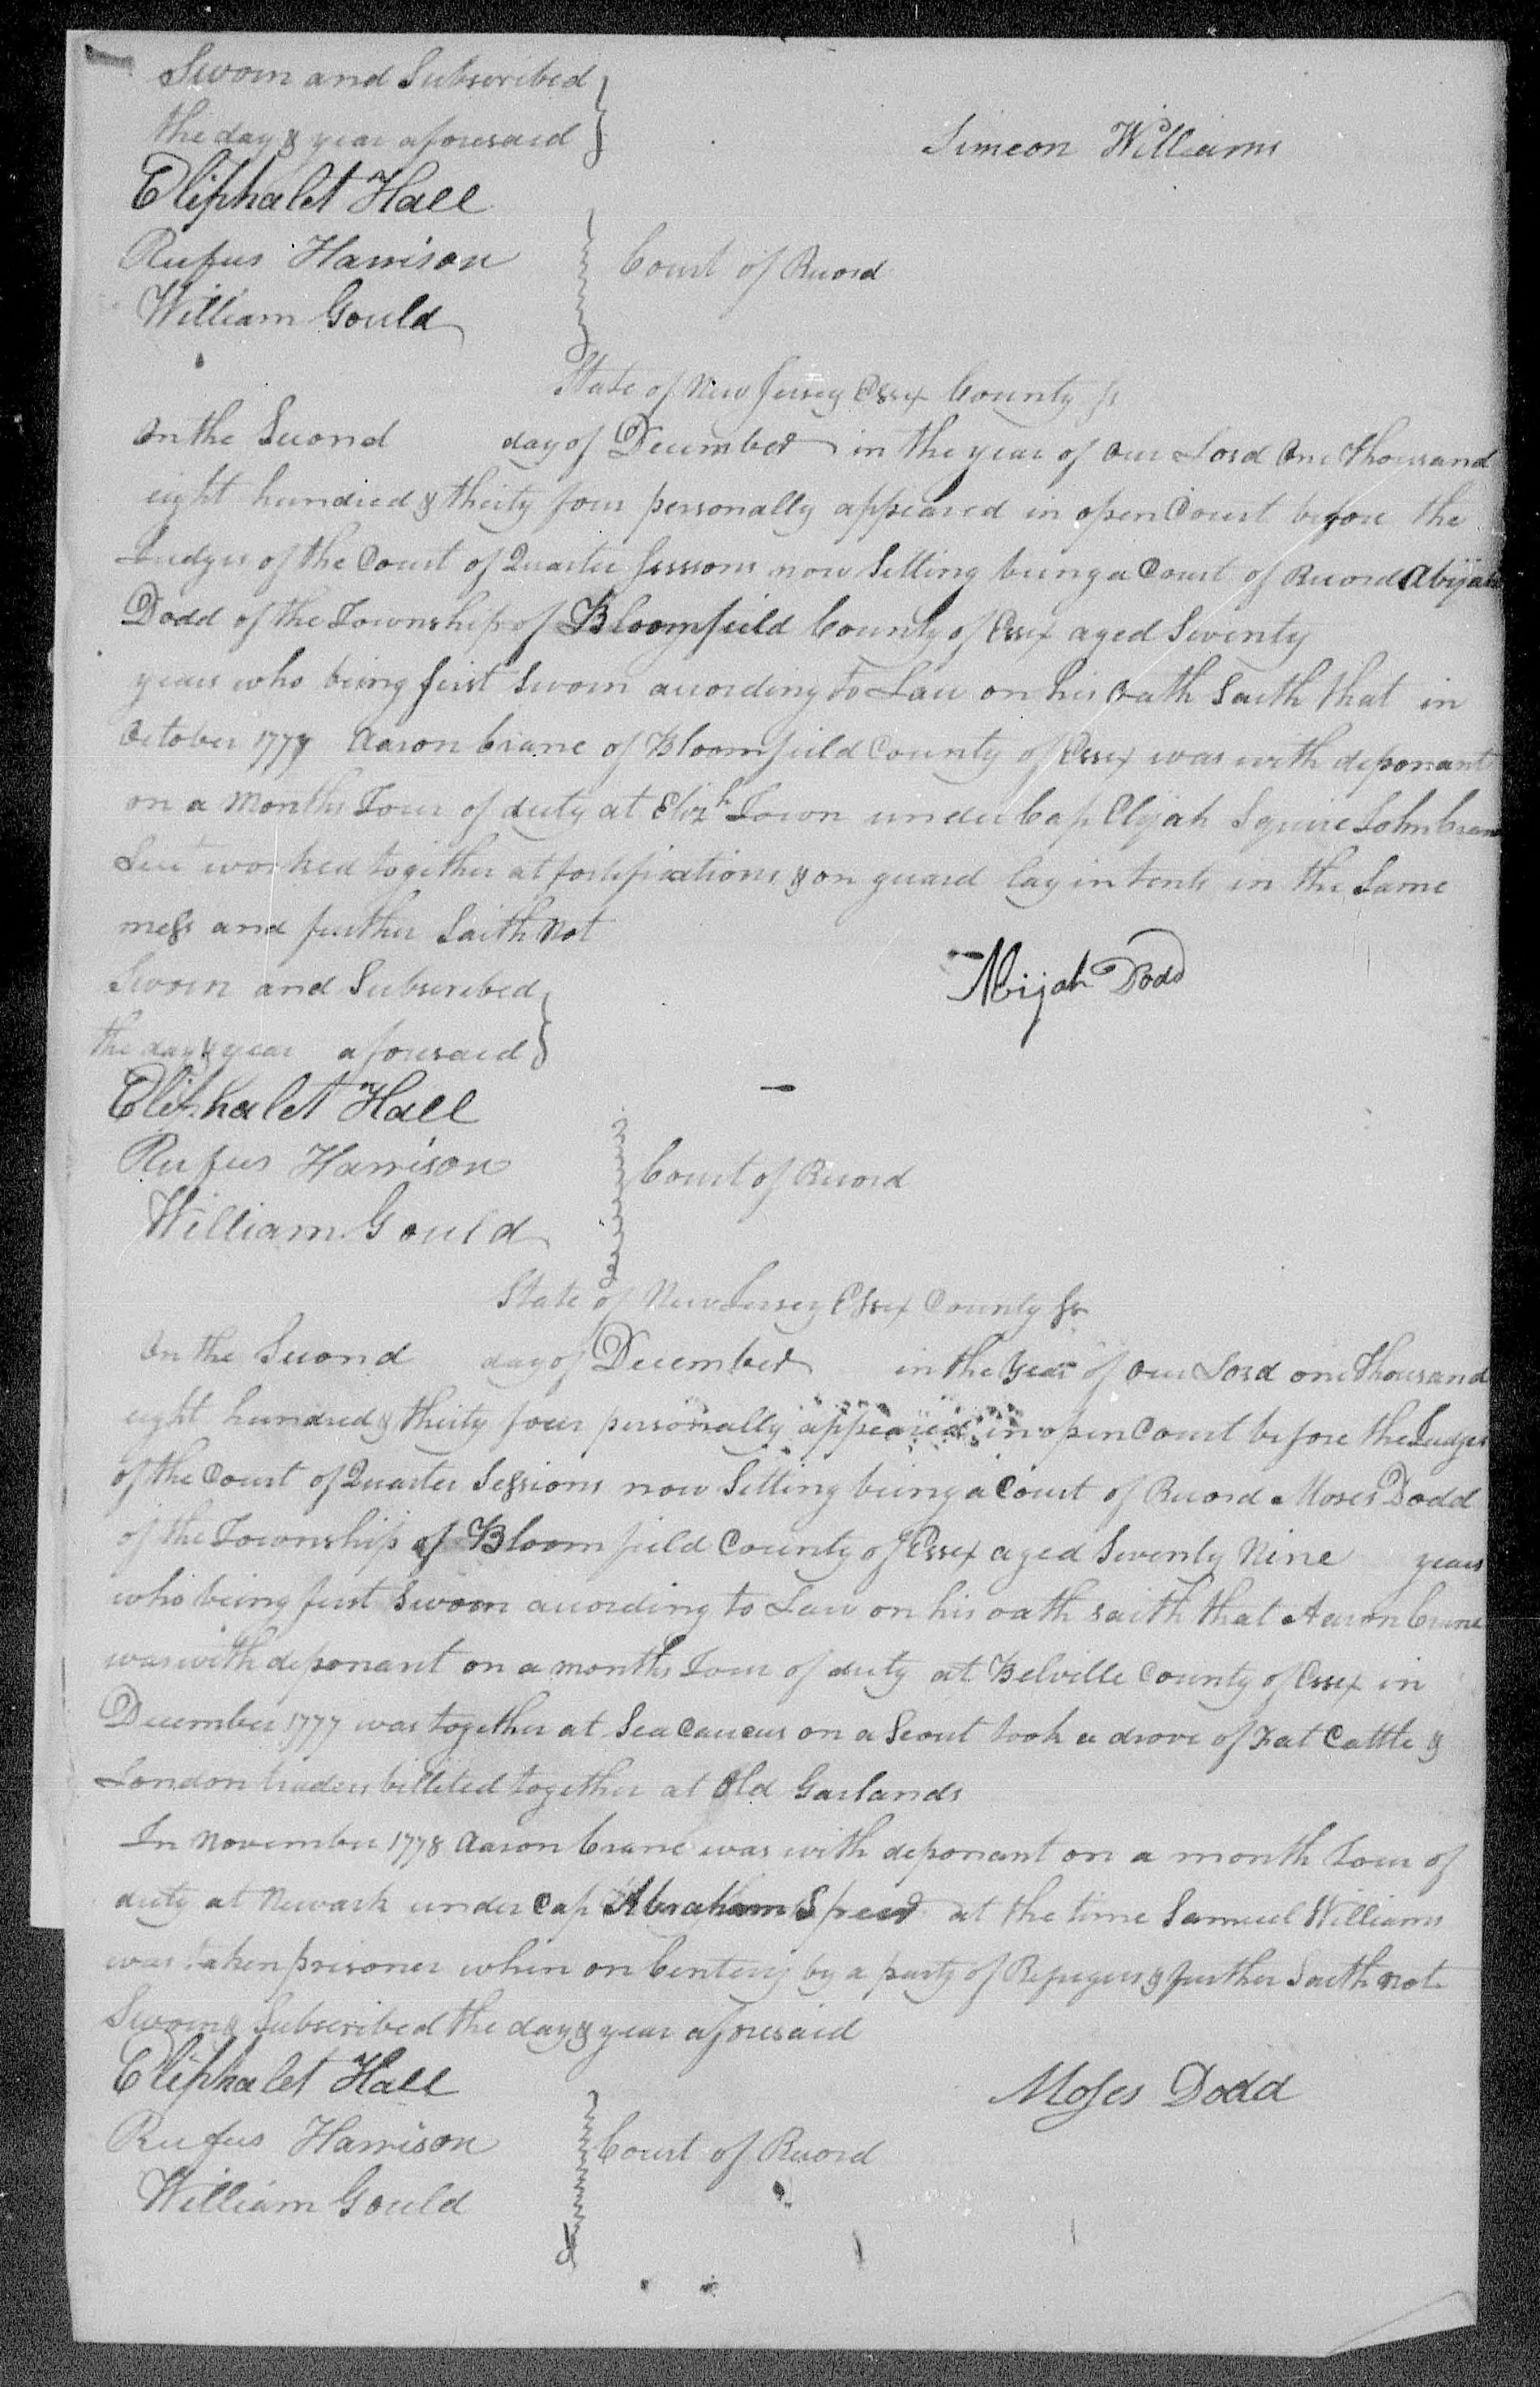Sworn and Subscribed
the day & year aforesaid                                                    Simeon William

Eliphalet Hall
Rufus Harrison                          Court of Record
William Gould

                                                              State of New Jersy  Essex County SS

On the Second                       day of December in the year of our Lord one thousand

eight hundred thirty four personally appeared in Open Court beforethe

Judge of the Court of Quarter Session now sitting being a Court of Record Abijah

Dodd of the Township of Bloomfield COunty of Essex aged Seventy

years who being first sworn according to law on his oath saith that in 

October 1777 Aaron Crane of Bloomfield County of Essex was with deponent

on a months tour of duty at Elish Town under Capt Elijah Squire  John Crane

Lieu worked together at fortification on guard lay in tents in the same

mess and further saith not
                                                                                                Abijah Dodd



Sworn and subscribed

the day & year aforesaid


Eliphalet Hall
Rufus Harrison             Court Record
William Gould


State of New Jersey   Essex County   SS

On the Second            day of December in the year of our Lord one thousand

eight hundred thirty four personally appeared in Open Court before the Judge

of the Court of Quarter Session now setting being a Court of Record.  Moses Dodd

of the Township of Bloomfield County of Essex aged seventy nine  years

who bein first sworn according to law on his oath saith that  Aaron Crane

was with deponent on a months tour of duty at Belville County of Essex in

December 1777 was together at Seacancus on a Scout took a drave of Fat Cattle &

Lond trader billited together at old Garlands


In November 1778 Aaron Carne was with deponent on a month tour of 

duty at Newark under Capt Abraham Speer at the tiem Samuel William

was taken prisoner when on centery by a part of Refugees further south not

Sworn subscirbed at the day & year aforesaid.

Eliphalet Hall                                                                                        Moses Dodd
Rufus Harrison      Court of Record
William Gould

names: Samuel Williams, Rufus Harrison, Simeon Williams, John Crane, Eliphalet Hall, Aaron Crane, Moses Dodd, Abraham Speer, William Gould, Eliphalet Hall, Rufus Harrison, William Gould, Abijah Dodd, Aaron Crane, Elijah Squire, Eliphalet Hall, Rufus Harrison, Abijah Dodd, Moses Dodd, William Gould, Aaron Crane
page: 21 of 32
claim: rejected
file: R. 2441, Aaron Crane, New Jersey